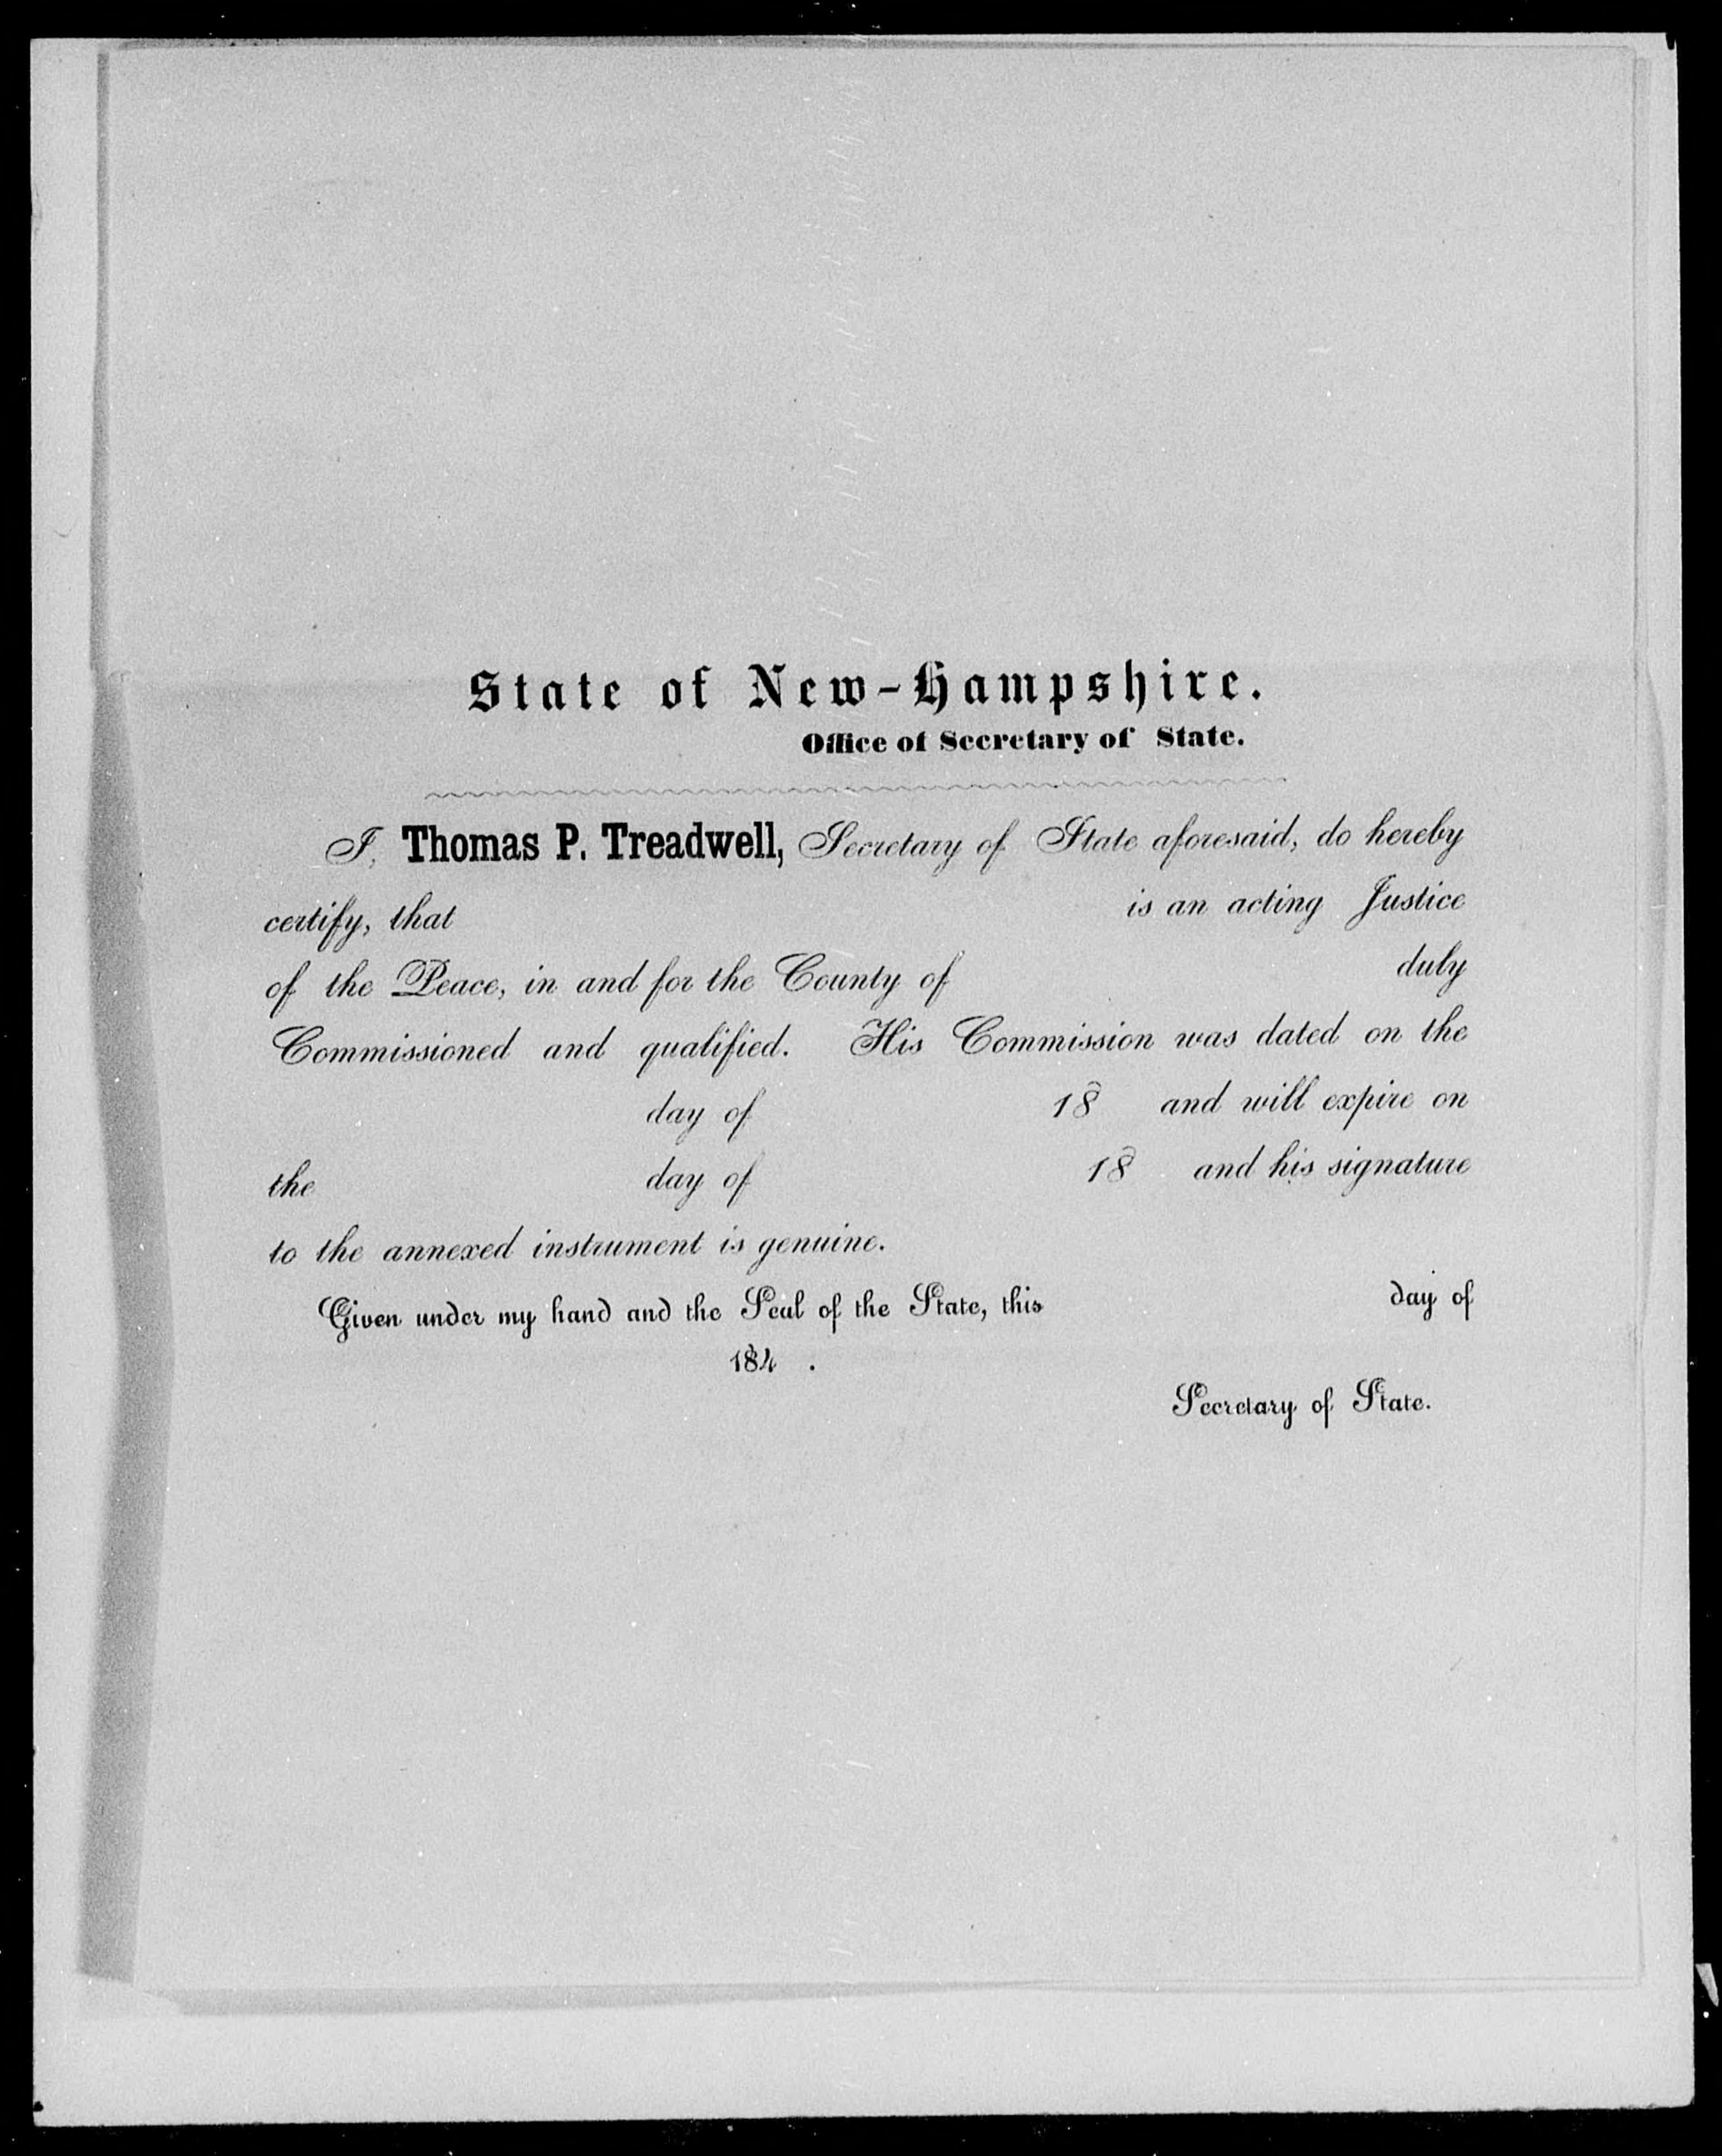FORM

State of New - [Hampshire].
Office of Secretary of State.
-----
I, Thomas P. Treadwell, Secretary of State aforesaid, do hereby certify, that _____ is an acting Justice of the Peace, in and for the County of _____ duly Commissioned and qualified. His Commission was dated on the _____ day of _____ 18__ and will expire on the _____ day of _____ 18__ and his signature to the annexed instrument is genuine.

Given under my hand and the Seal of the State, this _____ day of _____ 184_.
Secretary of State.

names: Thomas P Treadwell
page: 40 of 61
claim: widow's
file: W. 19500, Samuel Thing Gilman, Continental N.H.